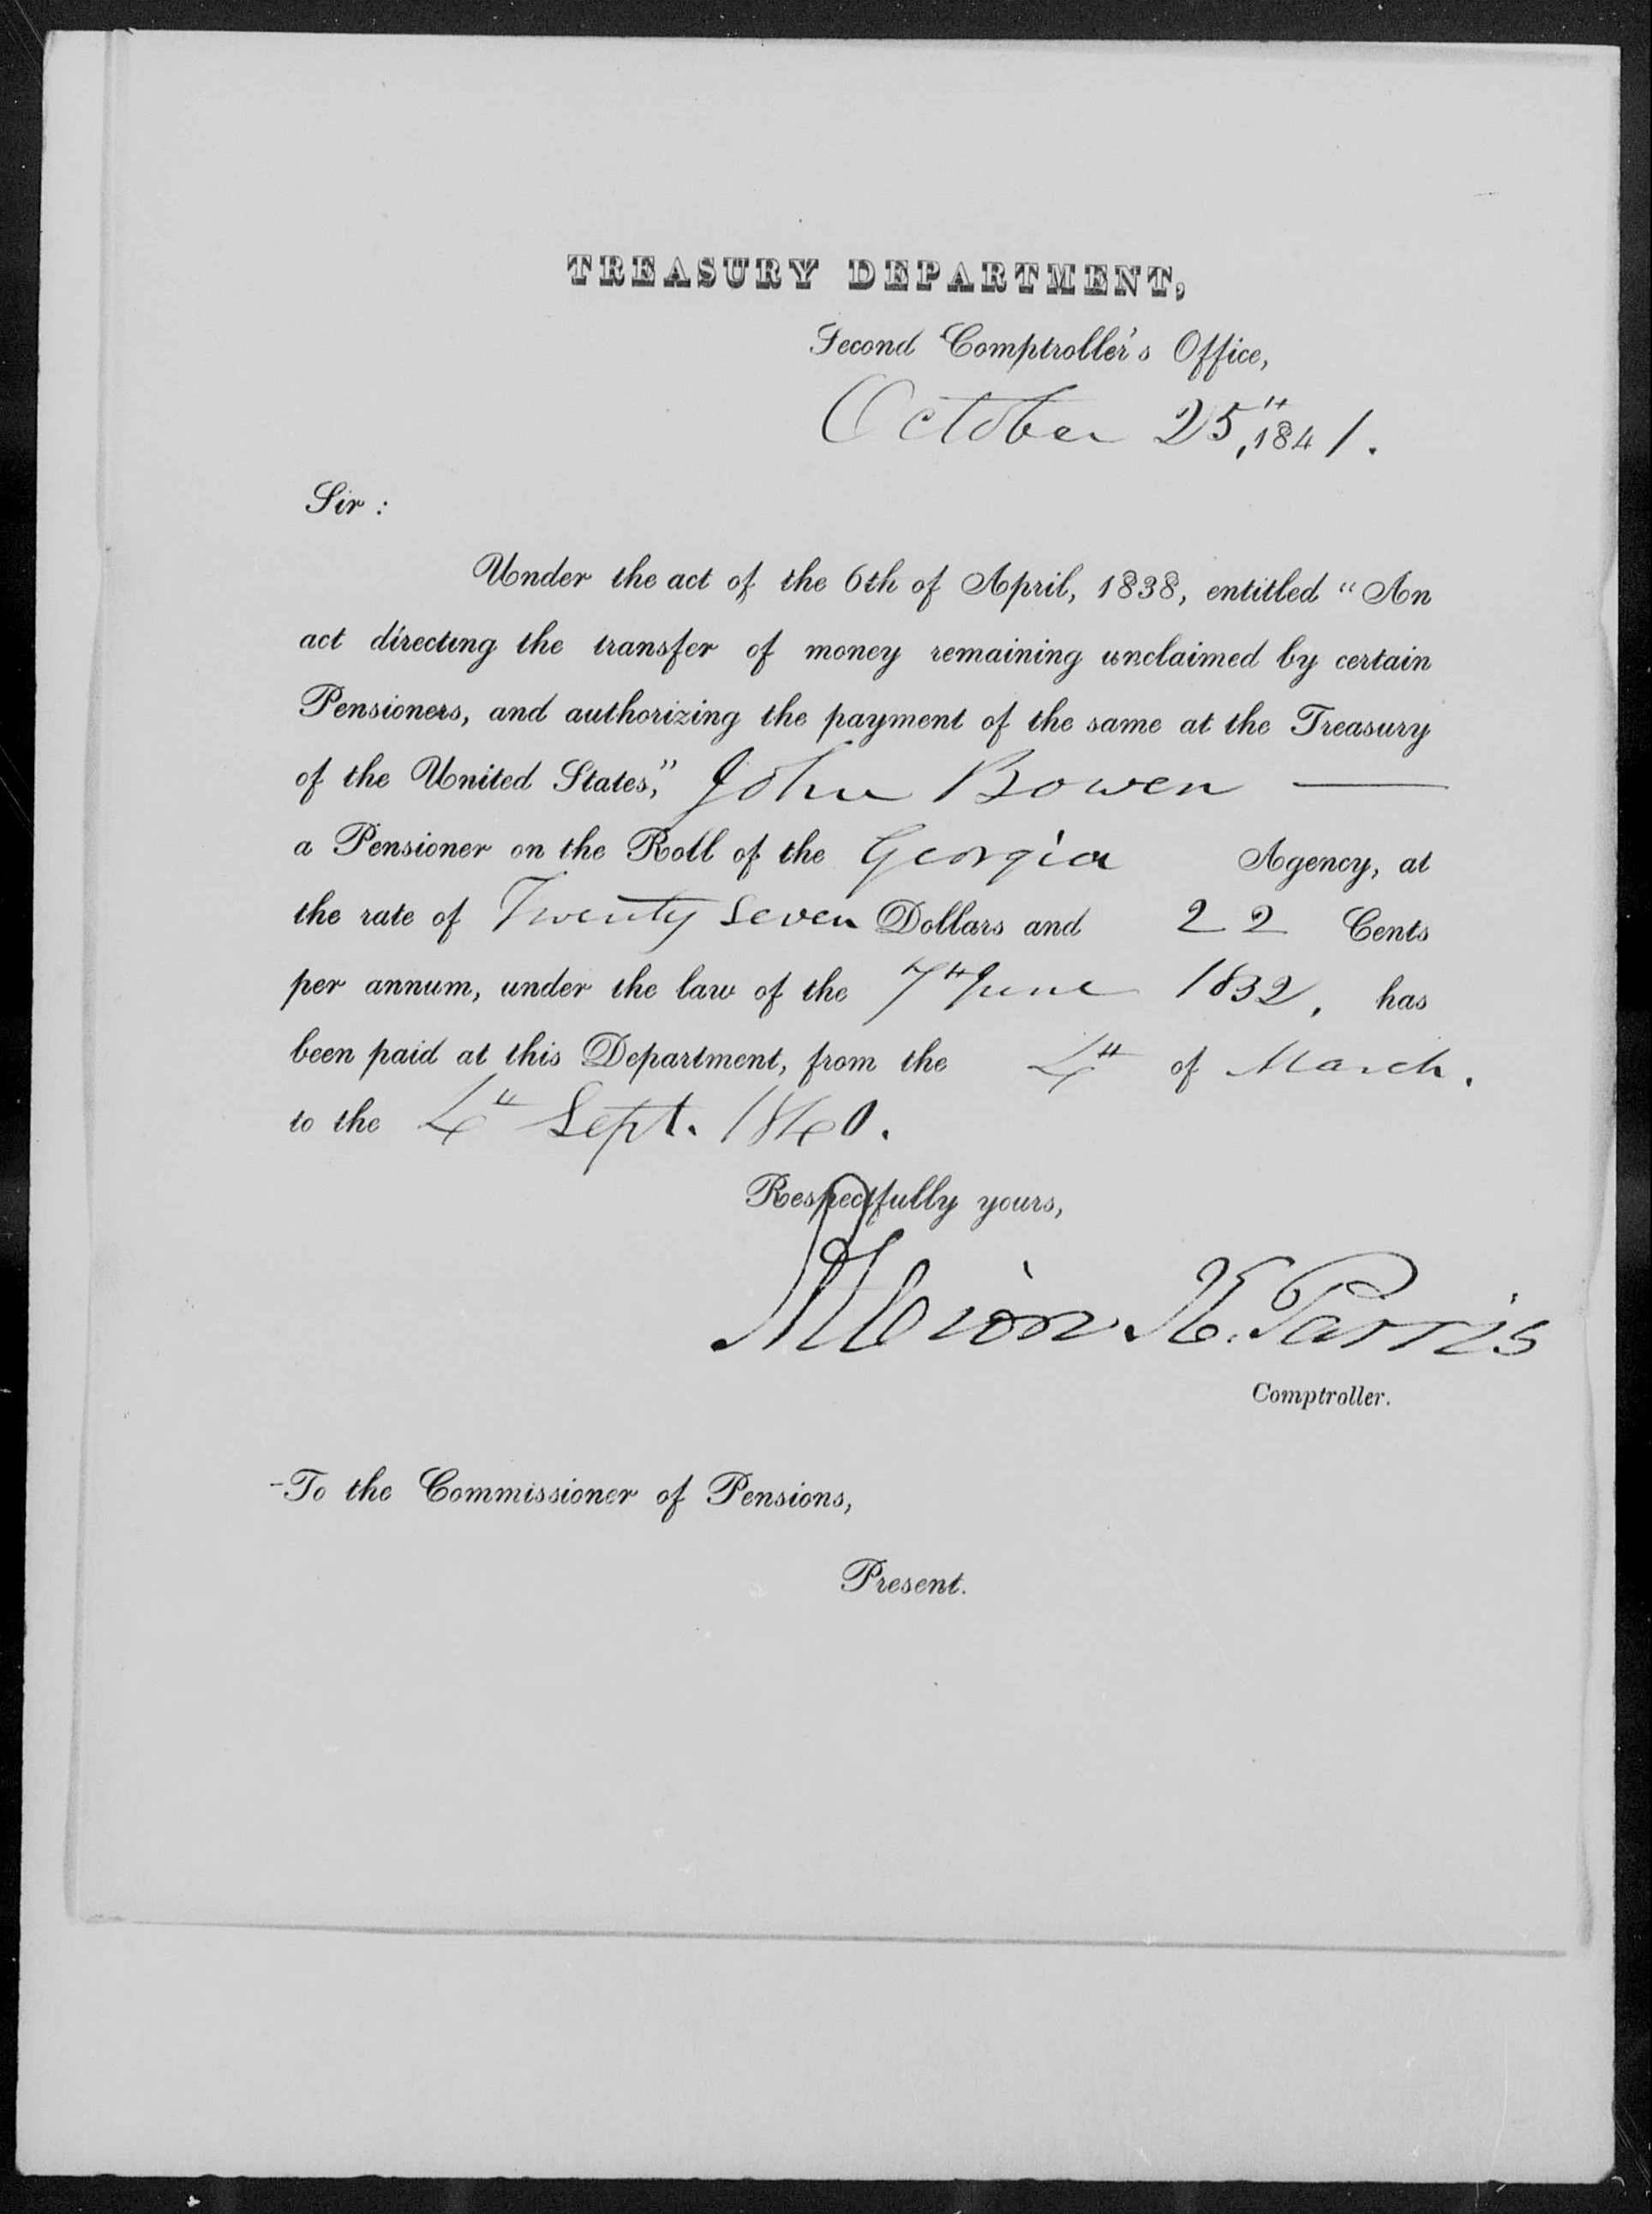TREASURY DEPARTMENT,
Second Comptroller's Office,
October 25th, 1841.

Sir:
Under the act of the 6th of April, 1838, entitled "An act directing the transfer of money remaining unclaimed by certain Pensioners, and authorizing the payment of the same at the Treasury of the United States,"  John Bowen--a Pensioner on the Roll of the Georgia Agency, at the rate of Twenty Seven Dollars and 22 Cents per annum, under the law of the 7th June 1832, 
has been paid at this Department, from the 4th of March, to the 4th Sept. 1840. 
Respectfully yours,
Albion K. Parris
Comptroller.
To the Commissioner of Pensions, 
Present.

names: John Bowen, Albion K Parris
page: 20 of 20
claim: survivor's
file: S. 32,124, John Bowen, Va.